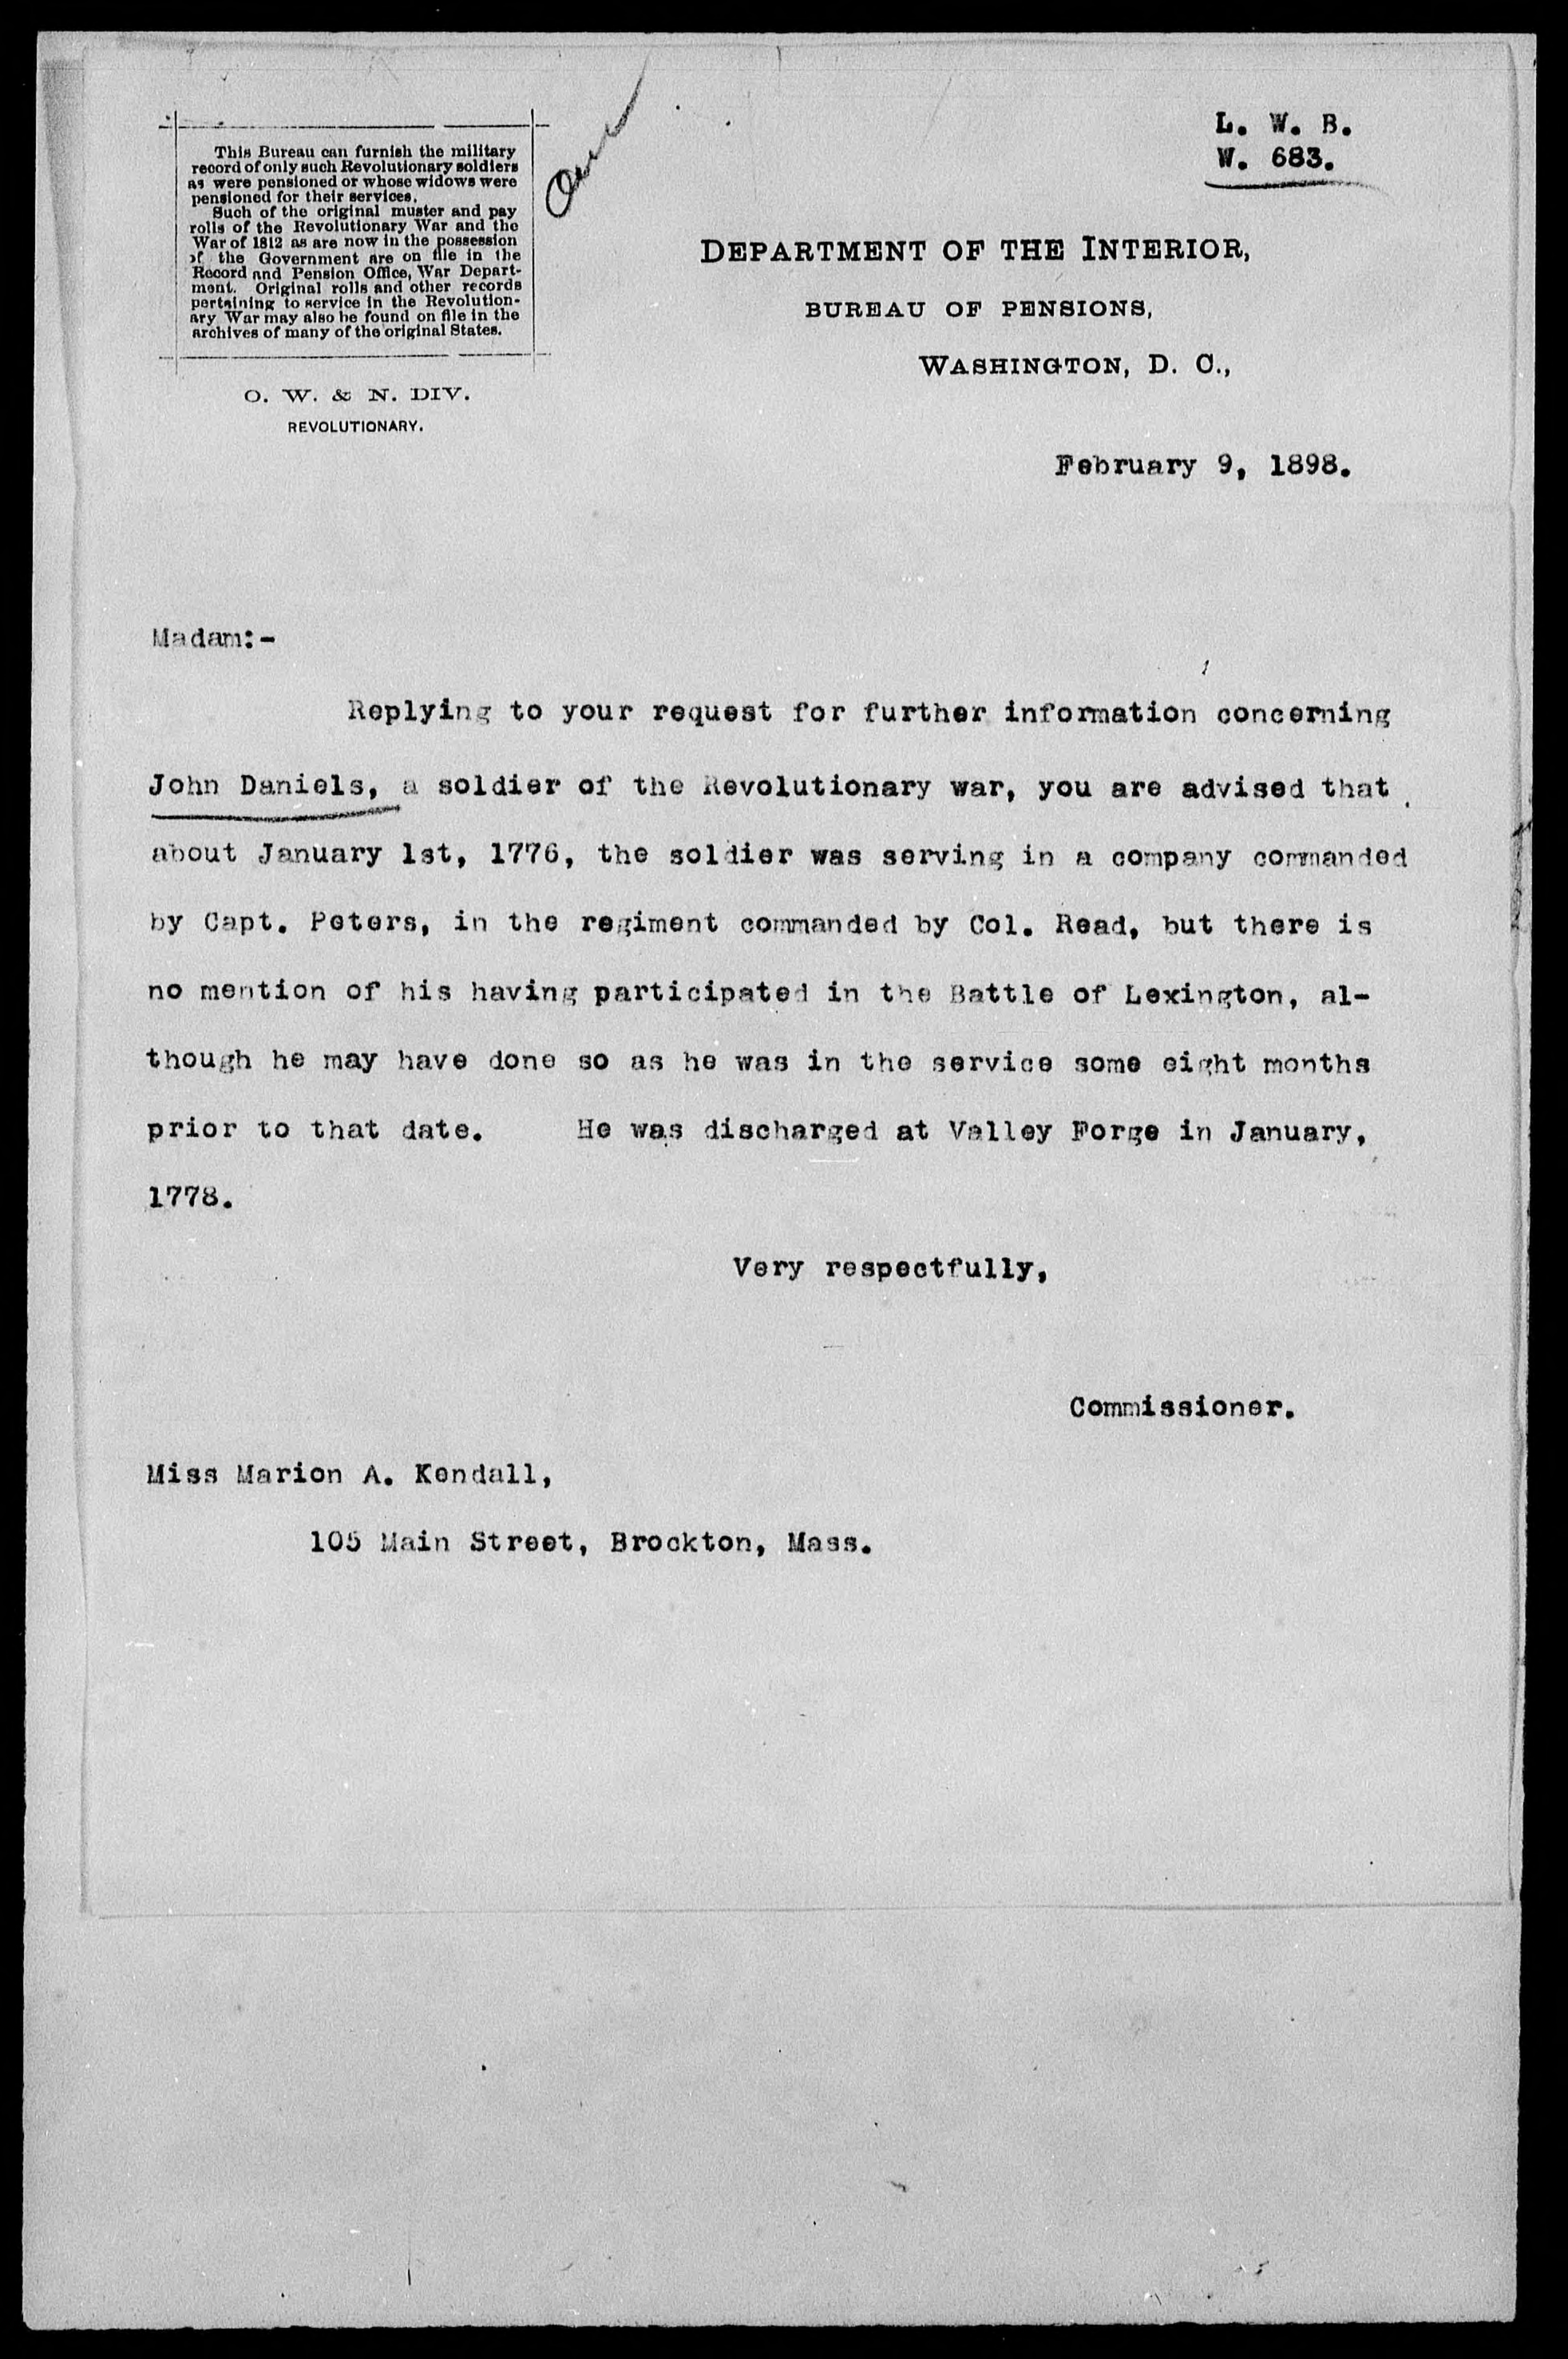This Bureau can furnish the military records of only such Revolutionary soldiers as were pensioned or whose widows were pensioned for their service.
Such of the original muster and pay rolls of the Revolutionary War and the War of 1812 as are now in the possession of the Government are on file in the Record and Pension Office, War Department.  Original rolls and other records pertaining to service in the Revolutionary War may also be found on file in the archives of many States.
O. W. & N. DIV.
REVOLUTIONARY

[on right] L.W.B.
W. 683.

DEPARTMENT OF THE INTERIOR,
BUREAU OF PENSIONS,
WASHINGTON, D.C.,

February 9, 1898.

Madam: - Replying to your request for further information concerning John Daniels [underlined], a soldier of the Revolutionary War, you are advised that about January 1st, 1776, the soldier was serving in a company commanded by Capt. Peters, in the regiment commanded by Col. Read, but there is no mention of his having participated in the Battle of Lexington, although he may have done so as he was in the service some eight months prior to that date.  He was discharged at Valley Forge in January, 1778.
Very Respectfully,
[no signature]
Commissioner.

Miss Marion A, Kendall
105 Main Street, Brockton, Mass.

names: Marion A Kendall, Read, John Daniels, Peters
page: 43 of 43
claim: widow's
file: W 683, John Daniels, Continental Mass. N.H.